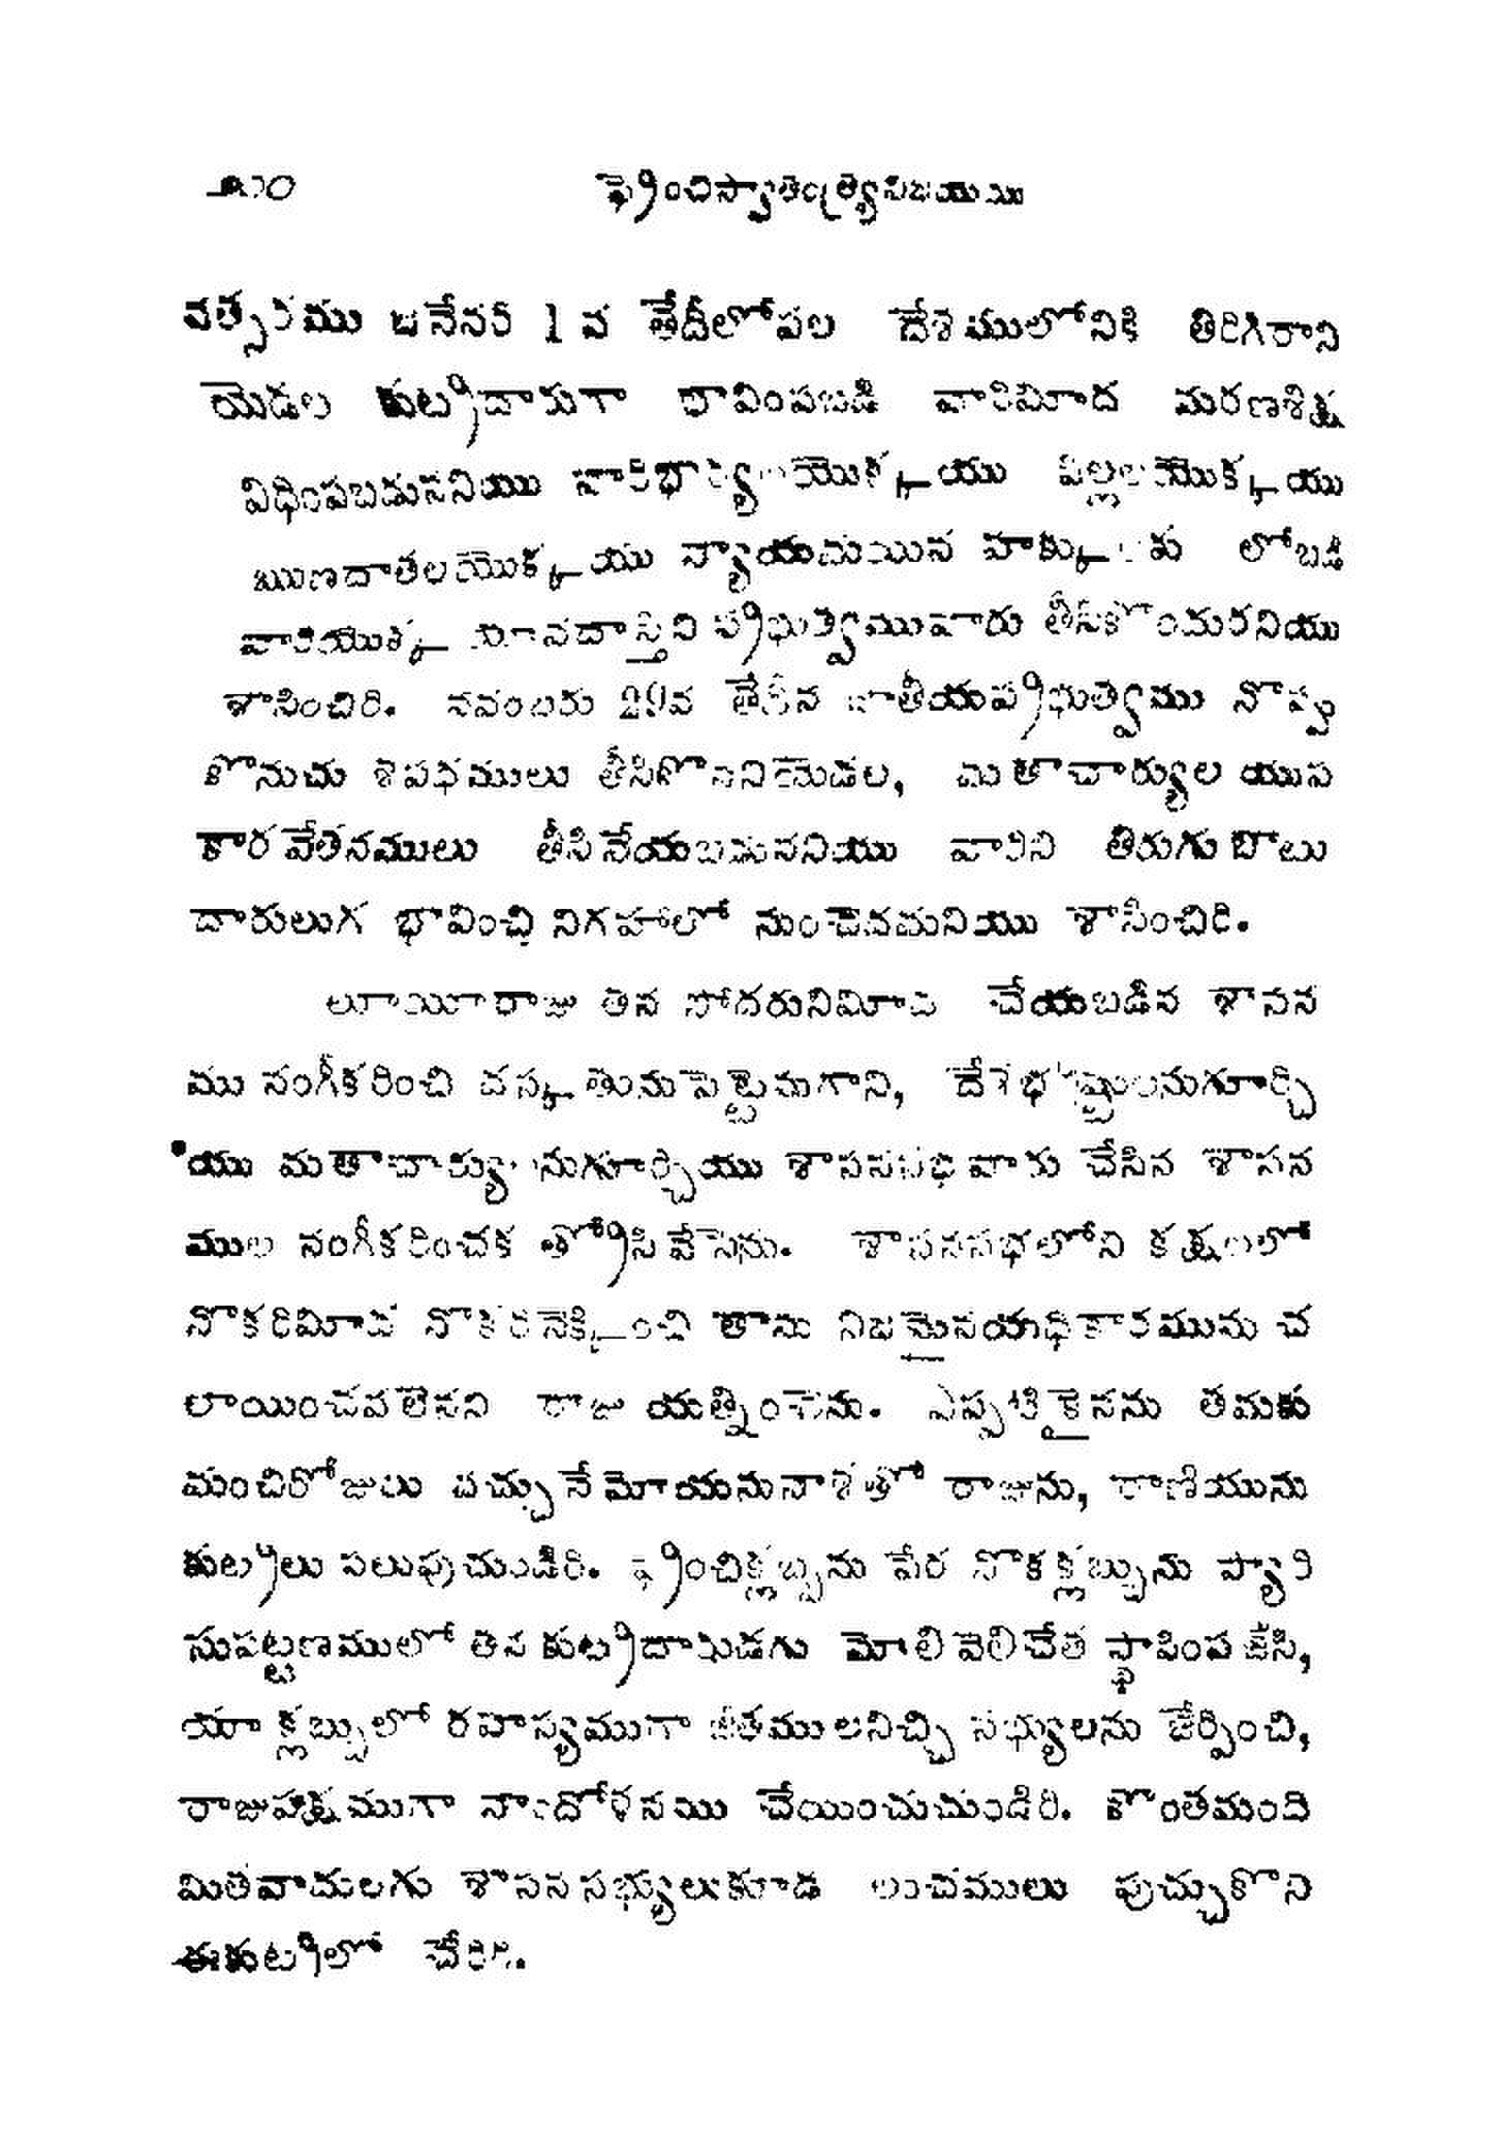వత్సరము జనవరి1 వ తేదీలోపల దేశ ములోనికి తిరిగిరాని
యెడల కుట్రదారుగా భావింపబడి వారిమీద మరణశిక్ష 
విధింపబడుననియు వారి భార్యలయొక్కయు పిల్లల యొక్కయు
ఋణదాతల యొక్కయు న్యాయమయిన హక్కు'లకు లోబడి
వారి యొక్క యావదాస్తిని ప్రభుత్వము వారు తీసుకుందురనియు
శాసించిరి. నవంబరు 29 వ తేదీన జాతీయ ప్రభుత్వము నొప్పు
కొనుచు శపధములు తీసికొనినమెడల, మతాచార్యుల
యుపకార వేతనములు తీసి వేయుబడు ననియు వానిని తిరుగుబాటు
దారులుగా భావించి నిగహాలో నుంచెదమనియు శాసించిరి.

లూయీ రాజు తన సోదరుని మీద చేయబడిన శాసన
ము నంగీక రించి దస్క తును పెట్టెనుగాని, "దేశబ్రష్టులనుగూర్చి
యు మతాచార్యులనుగూర్చియు శాససభవారు చేసిన శాసన
ముల నంగీక రించక త్రోసి వేసెను. శాసనసభలోని కక్షుల లో
నొకరి మీద నొకర నెక్కించి తాను నిజమైన యధికారమును చ
లాయించవలెనని రాజు యత్నించెను. ఎప్పుటికైనను తమకు
మంచిరోజులు వచ్చునేమోయను నాశతో రాజును, రాణియును
కుట్రలు సలుపుచుండిరి. ఫ్రెంచిక్లబ్బను పేర నొక క్లబ్బును ప్యా
రిసు పట్టణములో తన కుట్రదాయడగు మోలి వెలి చేత స్థాపింప జేసి,
యాక్లబ్బులో రహస్యముగా జీతము లనిచ్చి సభ్యులను జేర్పించి,
రాజుపక్షముగా నాదోళనము చేయించుచుండిరి. కొంతమంది
మితవాదులగు శాసన సభ్యులు కూడ లంచములు పుచ్చుకొని
ఈకుటృలో చేరిరి